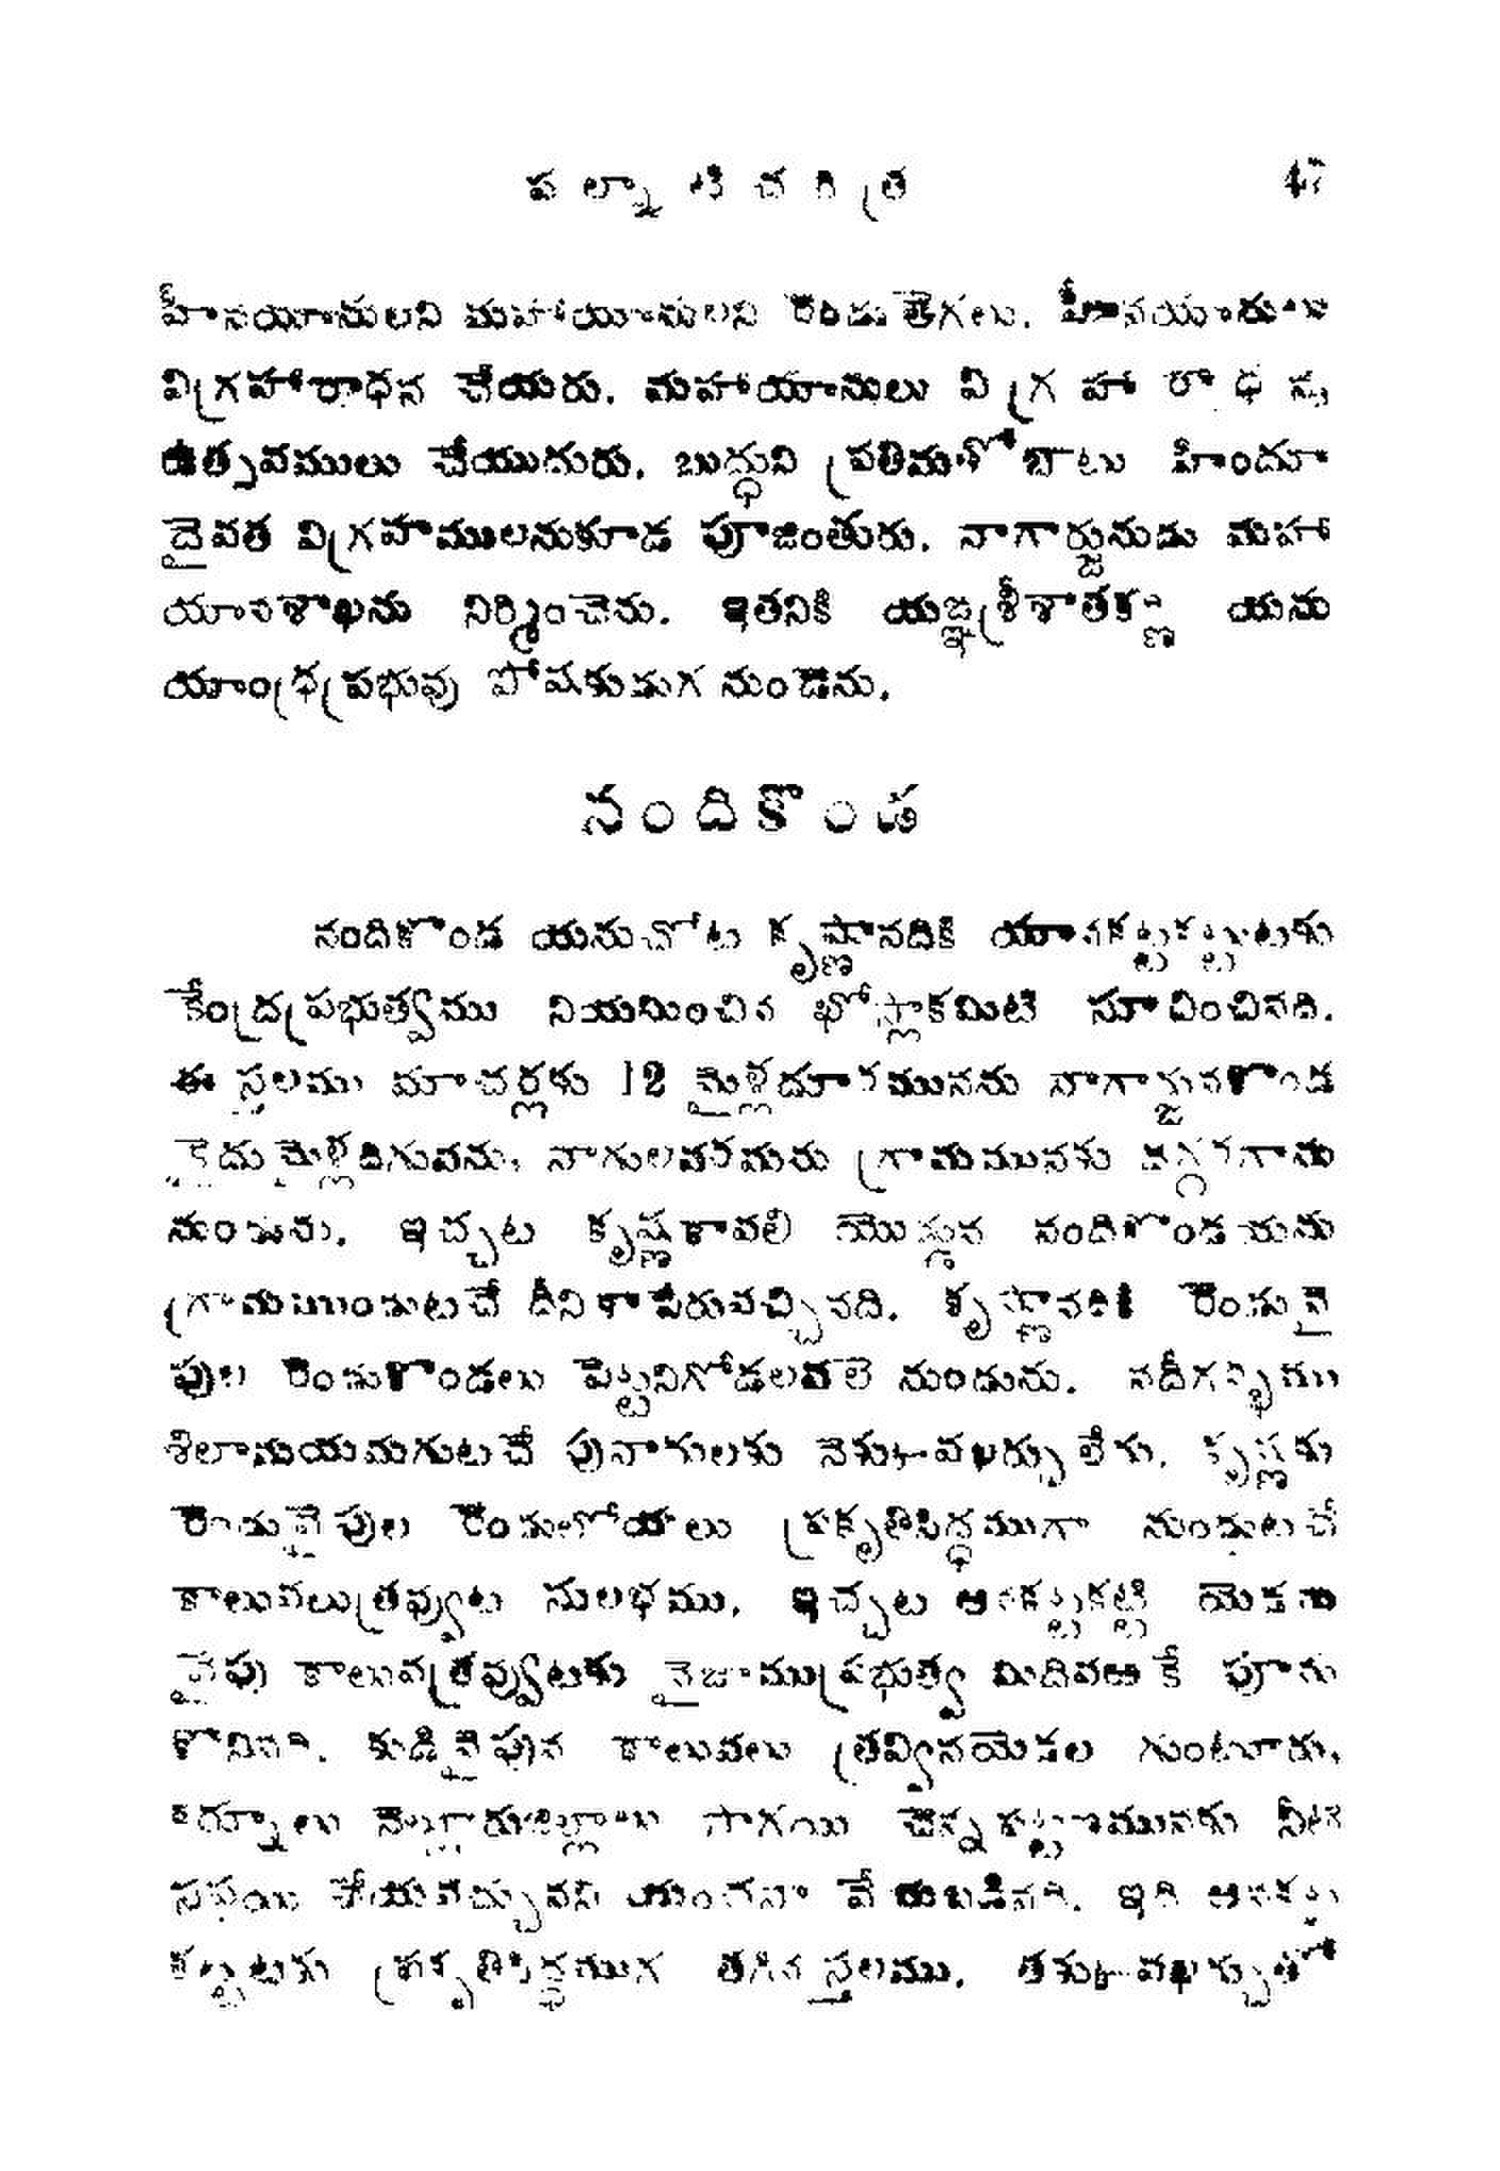హీనయానులని మహాయానులని రెండు తెగలు. హీనయానులు 
విగ్రహారాధన చేయరు. మహాయానులు విగ్రహారాధన, 
ఉత్సవములు చేయుదురు. బుద్ధుని ప్రతిమతోబాటు హిందూ
దైవత విగ్రహములనుకూడ పూజింతురు. నాగార్జునుడు 
మహాయానశాఖను నిర్మించెను. ఇతనికి యజ్ఞశ్రీశాతకర్ణి యను
యాంధ్రప్రభువు పోషకుడుగ నుండెను.

నందికొండ యనుచోట కృష్ణానదికి యానకట్టకట్టుటకు
కేంద్ర ప్రభుత్వము నియమించిన ఖోస్లా కమిటీ సూచించినది.
ఈ స్థలము మాచర్లకు 12 మైళ్ల దూరమునను నాగార్జునకొండ
కైదుమైళ్లదిగువను, నాగులవరమను గ్రామమునకు దగ్గరగాను
నుండును. ఇచ్చట కృష్ణకావలి యొడ్డున నందికొండయను
గ్రామముండుటచే దీనికాపేరు వచ్చినది. కృష్ణానదికి రెండువైపుల 
రెండుకొండలు పెట్టనిగోడలవలె నుండును. నదీగర్భము
శిలామయమగుటచే పునాగులకు నెక్కువఖర్చు లేదు. కృష్ణకు
రేడువైపుల రెండులోయలు ప్రకృతిసిద్ధముగా నుండుటచే
కాలువలుత్రవ్వుట సులభము, ఇచ్చట ఆనకట్టకట్టి యెడమ 
వైపు కాలువ త్రవ్వుటకు నైజాము ప్రభుత్వ మిదివఱకే పూను 
కొనినది. కుడివైపున కాలువలు త్రవ్వినయెడల గుంటూరు,
కర్నూలు నెల్లూరుజిల్లాలు సాగయి చెన్న పట్టణమునకు నీటి
సప్లయి చేయవచ్చునని అంచనా వేయబడినది. ఇది ఆనకట్ట 
కట్టుటకు ప్రకృతిసిద్ధముగ తగిన స్తలము, తక్కువఖర్చుతో